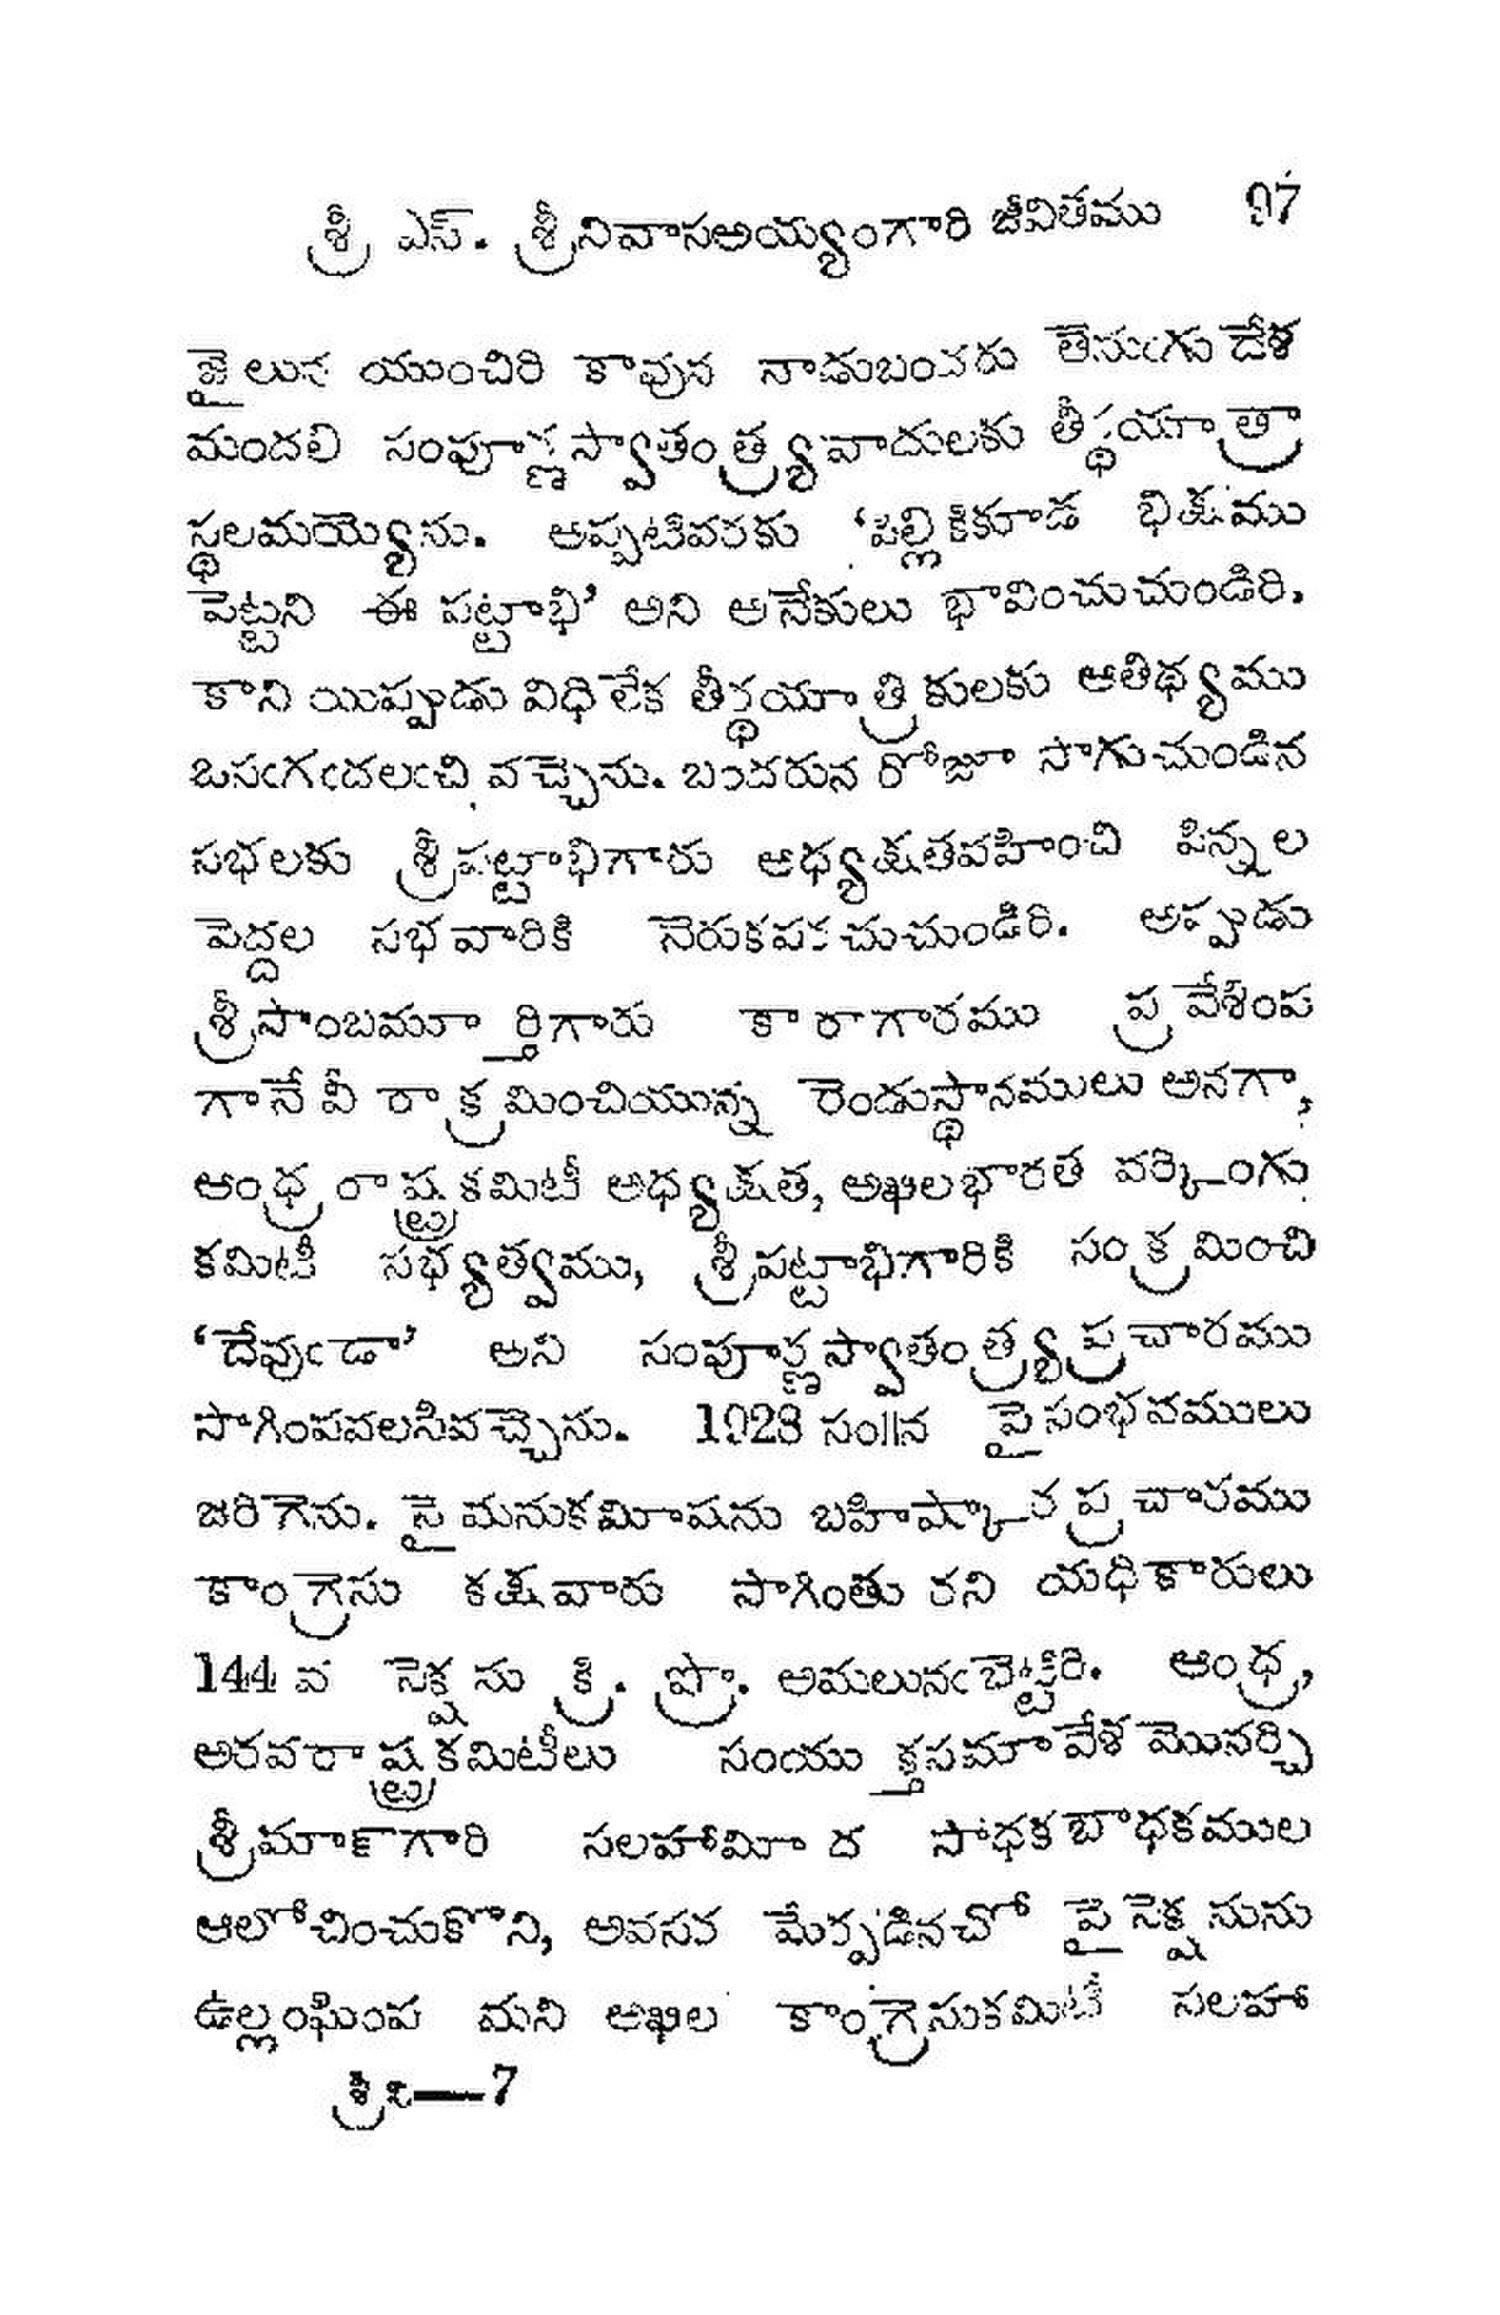జైలున యుంచిరి కావున నాడుబందరు తెనుఁగుదేశమందలి సంపూర్ణస్వాతంత్ర్య వాదులకు తీర్థయాత్రాస్థలమయ్యెను. అప్పటివరకు 'పెల్లికికూడ భిక్షముపెట్టని ఈ పట్టాభి' అని అనేకులు భావించుచుండిరి. కాని యిప్పుడు విధిలేక తీర్థయాత్రికులకు ఆతిథ్యము ఒసఁగఁదలఁచి వచ్చెను. బందరున రోజూ సాగుచుండిన సభలకు శ్రీపట్టాభిగారు అధ్యక్షతవహించి పిన్నల పెద్దల సభవారికి నెరుకపరచుచుండిరి. అప్పుడు శ్రీసాంబమూర్తిగారు కారాగారము ప్రవేశింపగానేవీ రాక్రమించియున్న రెండుస్థానములు అనగా, ఆంధ్ర రాష్ట్రకమిటీ అధ్యక్షత, అఖిలభారత వర్కింగు కమిటీ సభ్యత్వము, శ్రీపట్టాభిగారికి సంక్రమించి 'దేవుఁడా' అని సంపూర్ణ స్వాతంత్ర్య ప్రచారము సాగింపవలసివచ్చెను. 1928 సం||న పైసంభవములు జరిగెను. సైమనుకమీషను బహిష్కార ప్రచారము కాంగ్రెసు కక్షవారు సాగింతు రని యధికారులు 144 వ సెక్షను క్రి. ప్రొ. అమలునఁబెట్టిరి. ఆంధ్ర, అరవరాష్ట్రకమిటీలు సంయుక్త సమావేశమొనర్చి శ్రీమా౯గారి సలహామీద సాధకబాధకముల ఆలోచించుకొని, అవసర మేర్పడినచో పై సెక్షసును ఉల్లంఘింప మని అఖిల కాంగ్రెసుకమిటీ సలహా